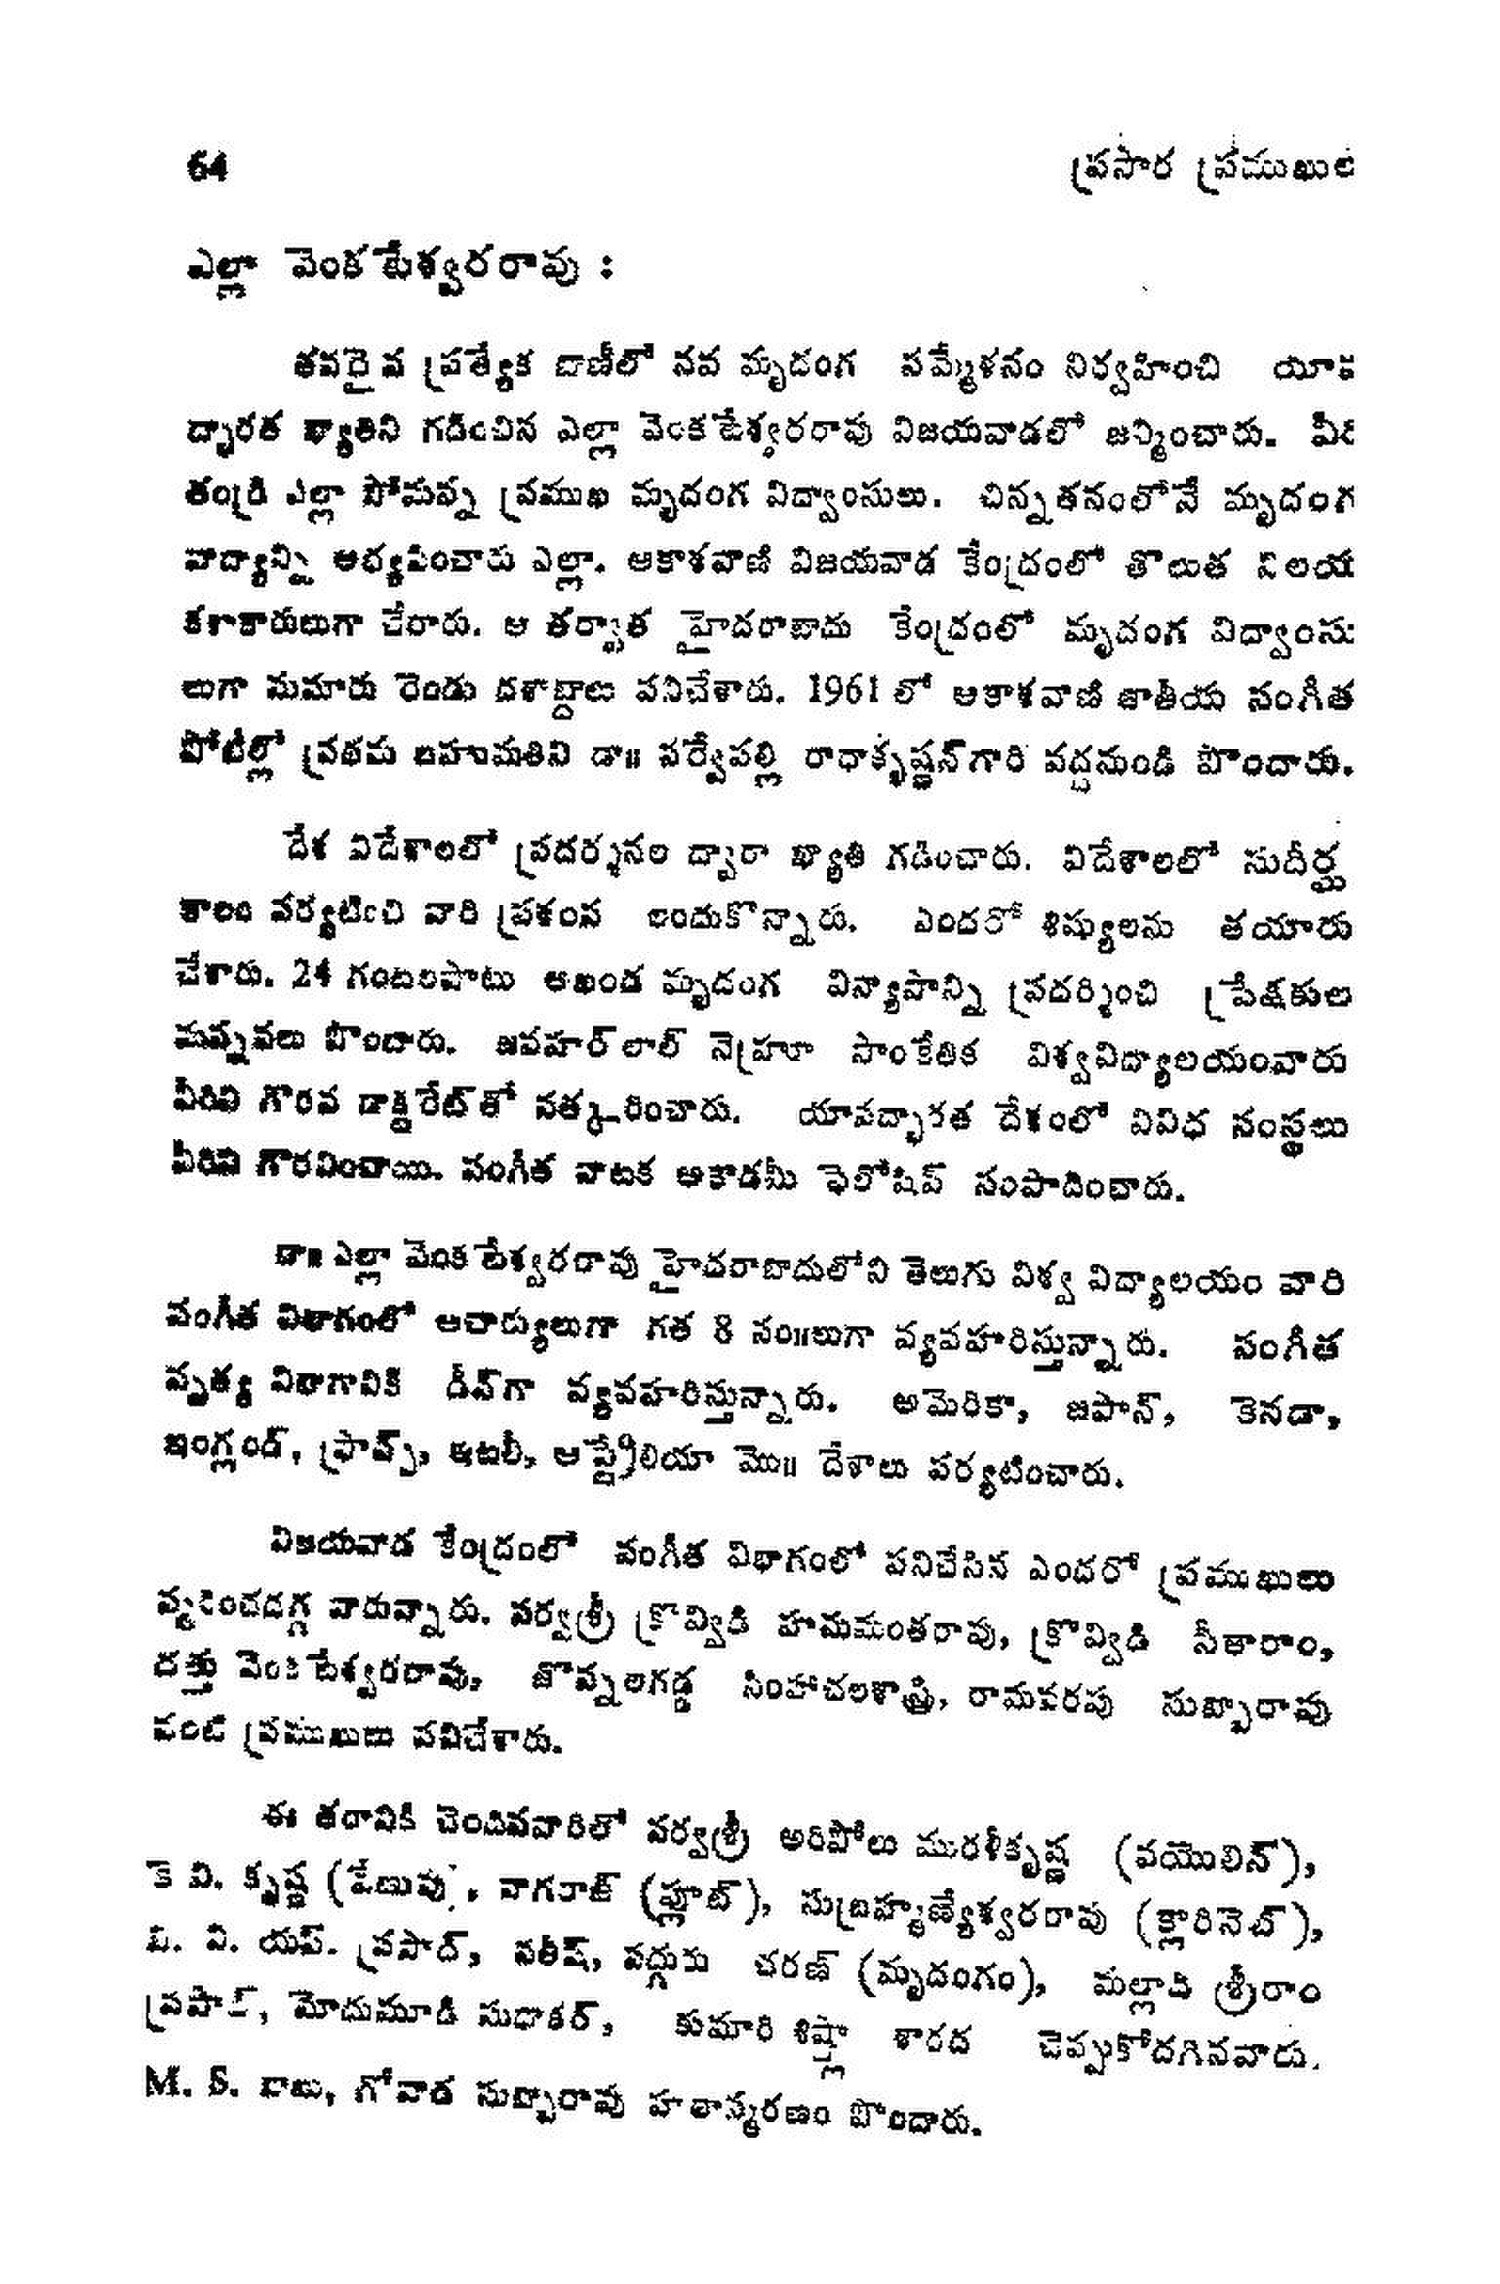తనదైన ప్రత్యేక బాణీలో నవ మృదంగ సమ్మేళనం నిర్వహించి యావద్భారత ఖ్యాతిని గడించిన ఎల్లా వెంకటేశ్వరరావు విజయవాడలో జన్మించారు. వీరి తండ్రి ఎల్లా సోమన్న ప్రముఖ మృదంగ విద్వాంసులు. చిన్నతనంలోనే మృదంగ వాద్యాన్ని అభ్యసించారు ఎల్లా. ఆకాశవాణి విజయవాడ కేంద్రంలో తొలుత నిలయ కళాకారులుగా చేరారు. ఆ తర్వాత హైదరాబాదు కేంద్రంలో మృదంగ విద్వాంసులుగా సుమారు రెండు దశాబ్దాలు పనిచేశారు. 1961లో ఆకాశవాణి జాతీయ సంగీత పోటీల్లో ప్రథమ బహుమతిని డా|| సర్వేపల్లి రాధాకృష్ణన్‌గారి వద్దనుండి పొందారు.

దేశ విదేశాలలో ప్రదర్శనం ద్వారా ఖ్యాతి గడించారు. విదేశాలలో సుదీర్ఘకాలం పర్యటించి వారి ప్రశంస లందుకొన్నారు. ఎందరో శిష్యులను తయారు చేశారు. 24 గంటలపాటు అఖండ మృదంగ విన్యాసాన్ని ప్రదర్శించి ప్రేక్షకుల మన్ననలు పొందారు. జవహర్ లాల్ నెహ్రూ సాంకేతిక విశ్వవిద్యాలయంవారు వీరిని గౌరవ డాక్టరేట్‌తో సత్కరించారు. యావద్భారత దేశంలో వివిధ సంస్థలు వీరిని గౌరవించాయి. సంగీత నాటక అకాడమీ ఫెలోషిప్ సంపాదించారు.

డా|| ఎల్లా వెంకటేశ్వరరావు హైదరాబాదులోని తెలుగు విశ్వవిద్యాలయం వారి సంగీత విభాగంలో ఆచార్యులుగా గత 8 సం||లుగా వ్యవహరిస్తున్నారు. సంగీత నృత్య విభాగానికి డీన్‌గా వ్యవహరిస్తున్నారు. అమెరికా, జపాన్, కెనడా, ఇంగ్లండ్, ఫ్రాన్స్, ఇటలీ, ఆస్ట్రేలియా మొ|| దేశాలు పర్యటించారు.

విజయవాడ కేంద్రంలో సంగీత విభాగంలో పనిచేసిన ఎందరో ప్రముఖులు స్మరించదగ్గ వారున్నారు. సర్వశ్రీ క్రొవ్విడి హనుమంతరావు, క్రొవ్విడి సీతారాం, దత్తు వెంకటేశ్వరరావు, జొన్నలగడ్డ సింహాచలశాస్త్రి, రామవరపు సుబ్బారావు వంటి ప్రముఖులు పనిచేశారు.

ఈ తరానికి చెందినవారిలో సర్వశ్రీ అరిపోలు మురళీకృష్ణ (వయొలిన్), కె. వి. కృష్ణ (వేణువు), నాగరాజ్ (ప్లూట్), సుబ్రహ్మణ్యేశ్వరరావు (క్లారినెట్), బి. వి. యస్. ప్రసాద్, సతీష్, సద్గురు చరణ్ (మృదంగం), మల్లాది శ్రీరాం ప్రసాద్, మోదుమూడి సుధాకర్, కుమారి శిష్ట్లా శారద చెప్పుకోదగినవారు. M. S. బాబు, గోవాడ సుబ్బారావు హఠాన్మరణం పొందారు.